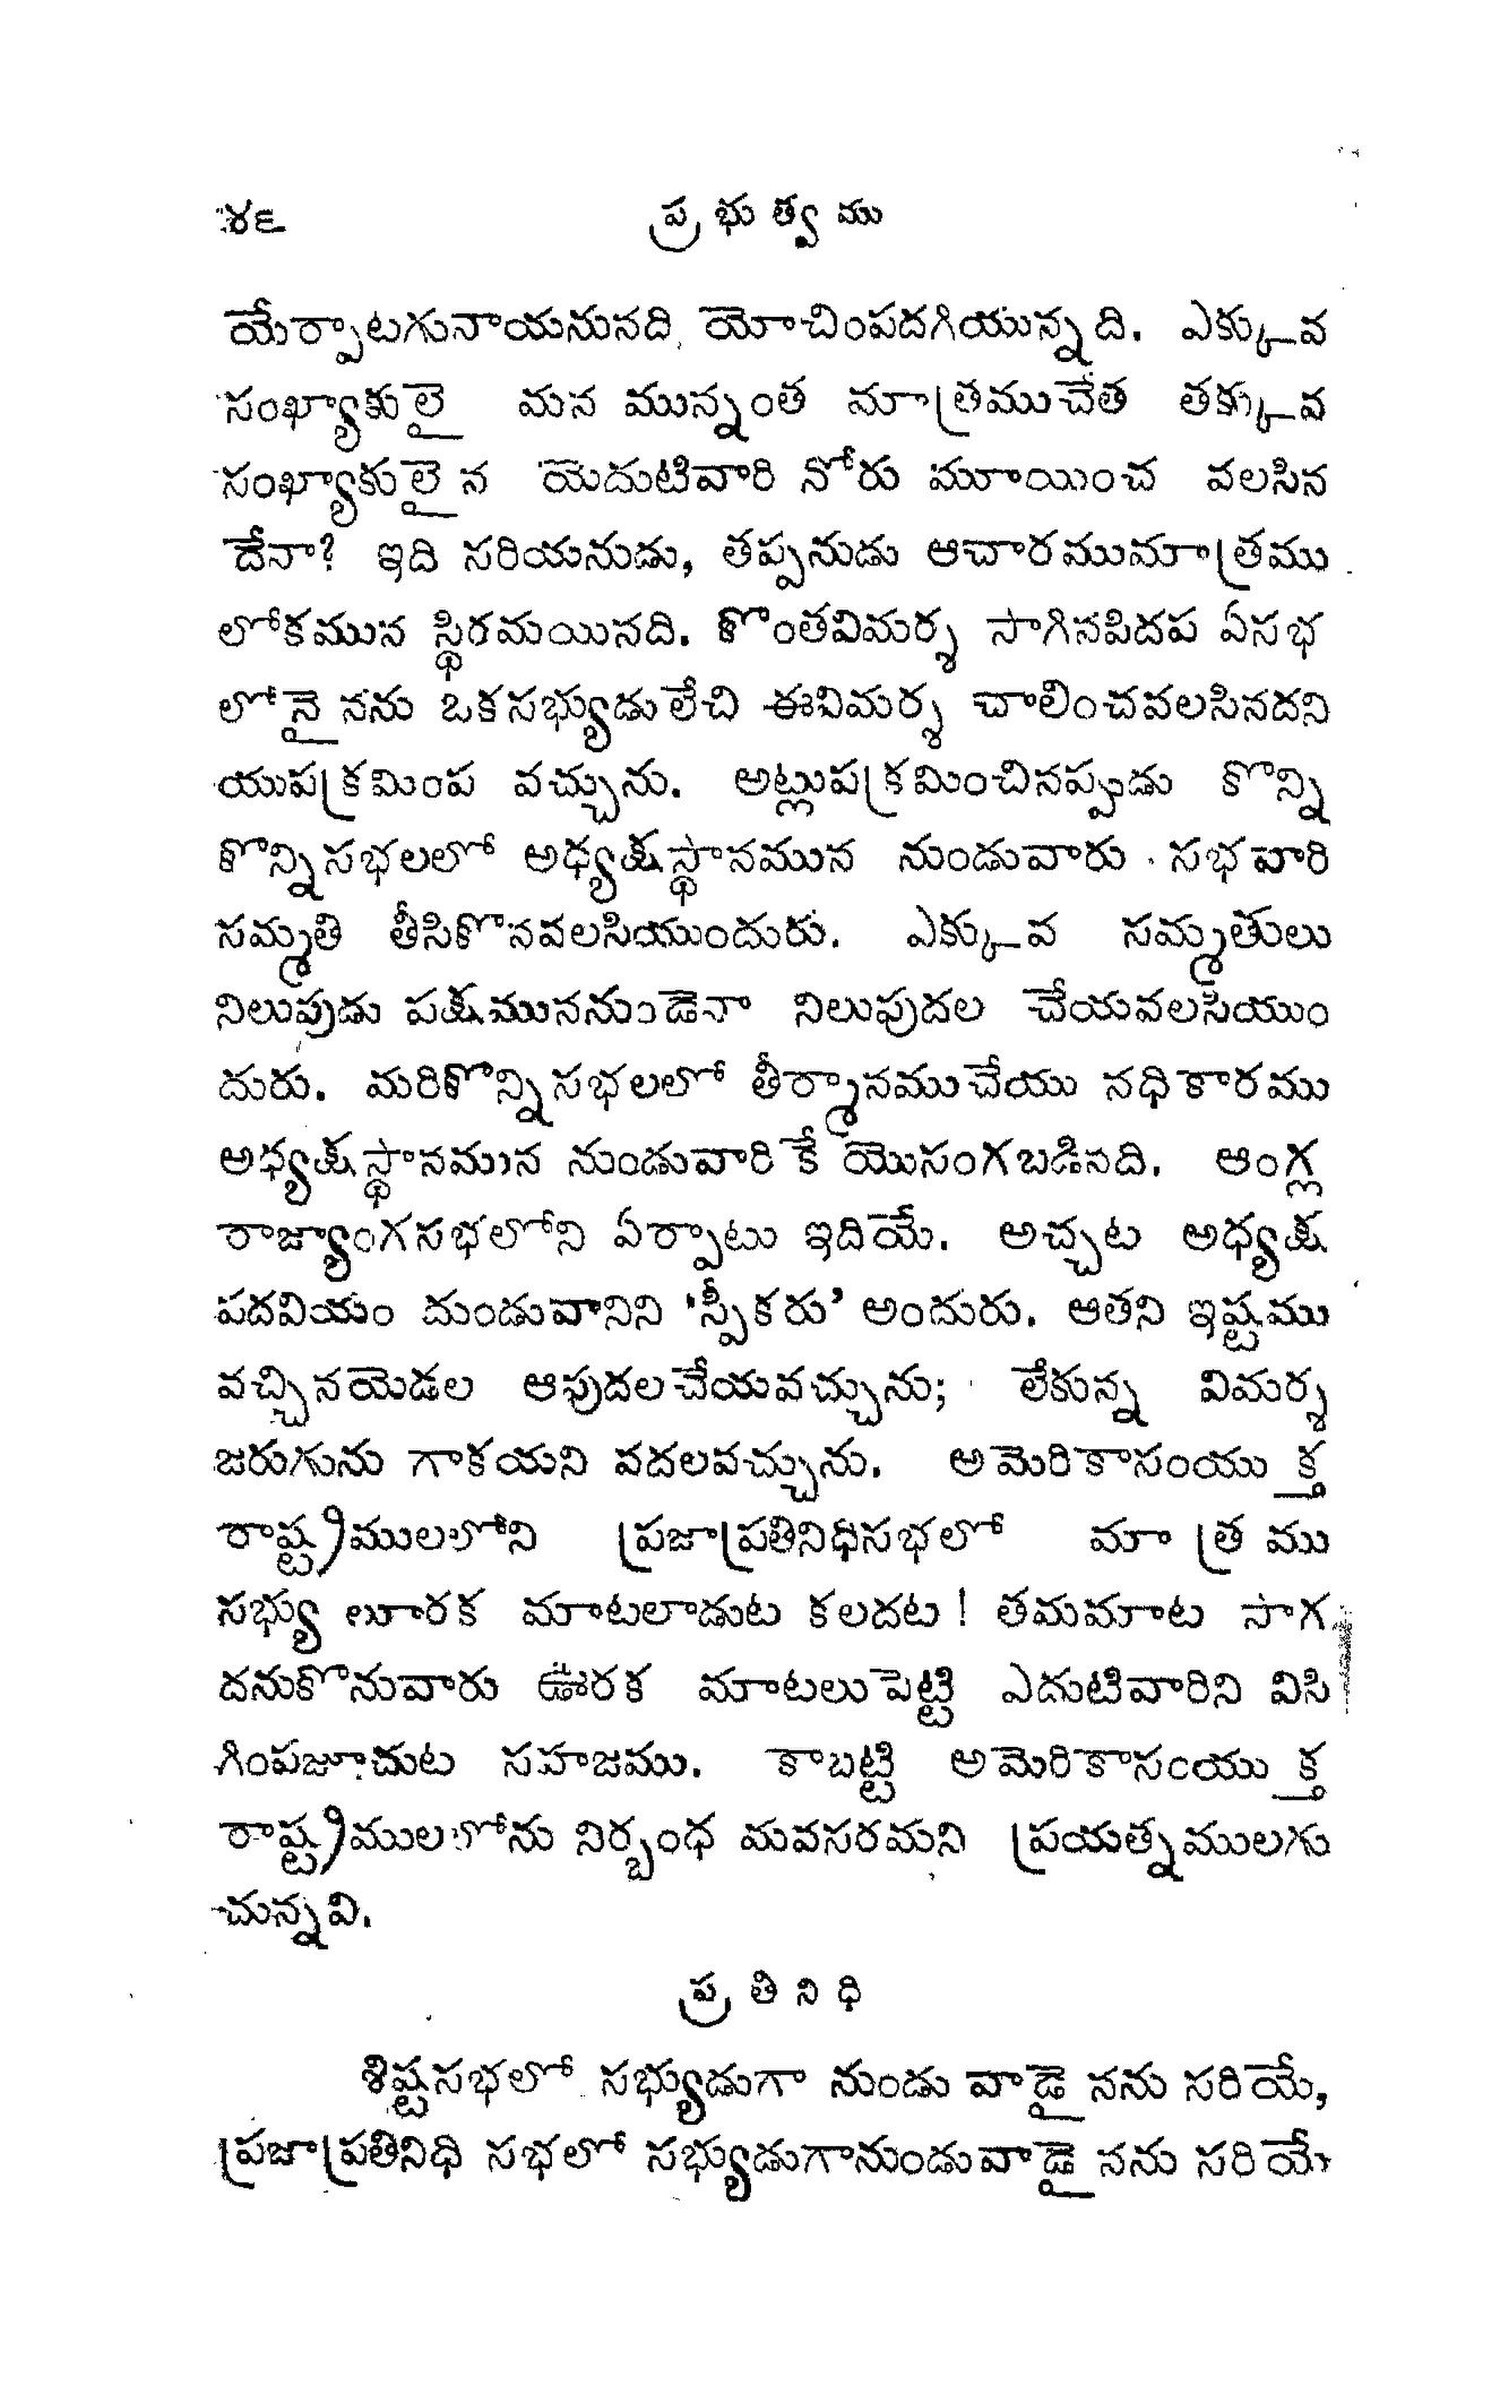యేర్పాటగునాయనునది, యోచింపదగియున్నది. ఎక్కువ సంఖ్యాకులై మన మున్నంత మాత్రముచేత తక్కువ సంఖ్యాకులైన యెదుటివారి నోరు మూయించ వలసినదేనా? ఇది సరియనుడు, తప్పనుడు ఆచారముమాత్రము లోకమున స్థిరమయినది. కొంతవిమర్శ సాగినపిదప ఏసభలోనైనను ఒకసభ్యుడు లేచి ఈవిమర్శ చాలించవలసినదని యుపక్రమింప వచ్చును. అట్లుపక్రమించినప్పుడు కొన్ని కొన్నిసభలలో అధ్యక్ష స్థానమున నుండువారు . సభవారి సమ్మతి తీసికొనవలసియుందురు. ఎక్కువ సమ్మతులు నిలుపుడు పక్షముననుండెనా నిలుపుదల చేయవలసియుందురు. మరికొన్ని సభలలో తీర్మానముచేయు నధికారము అధ్యక్షస్థానమున నుండువారికే యొసంగబడినది. ఆంగ్ల
రాజ్యాంగసభలోని ఏర్పాటు ఇదియే. అచ్చట అధ్యక్ష పదవియం దుండువానిని 'స్పీకరు' అందురు. ఆతని ఇష్టము వచ్చినయెడల ఆపుదలచేయవచ్చును; లేకున్న విమర్శ జరుగును గాకయని వదలవచ్చును. అమెరికాసంయుక్త రాష్ట్రములలోని ప్రజాప్రతినిధిసభలో మాత్రము సభ్యు బూరక మాటలాడుట కలదట ! తమమాట సాగదనుకొనువారు ఊరక మాటలుపెట్టి ఎదుటివారిని విసిగింపజూచుట సహజము. కాబట్టి అమెరికాసంయుక్తరాష్ట్రములలోను నిర్బంధ మవసరమని ప్రయత్నములగుచున్నవి.

శిష్టసభలో సభ్యుడుగా నుండు వాడైనను సరియే, ప్రజాప్రతినిధి సభలో సభ్యుడుగానుండువాడైనను సరియే